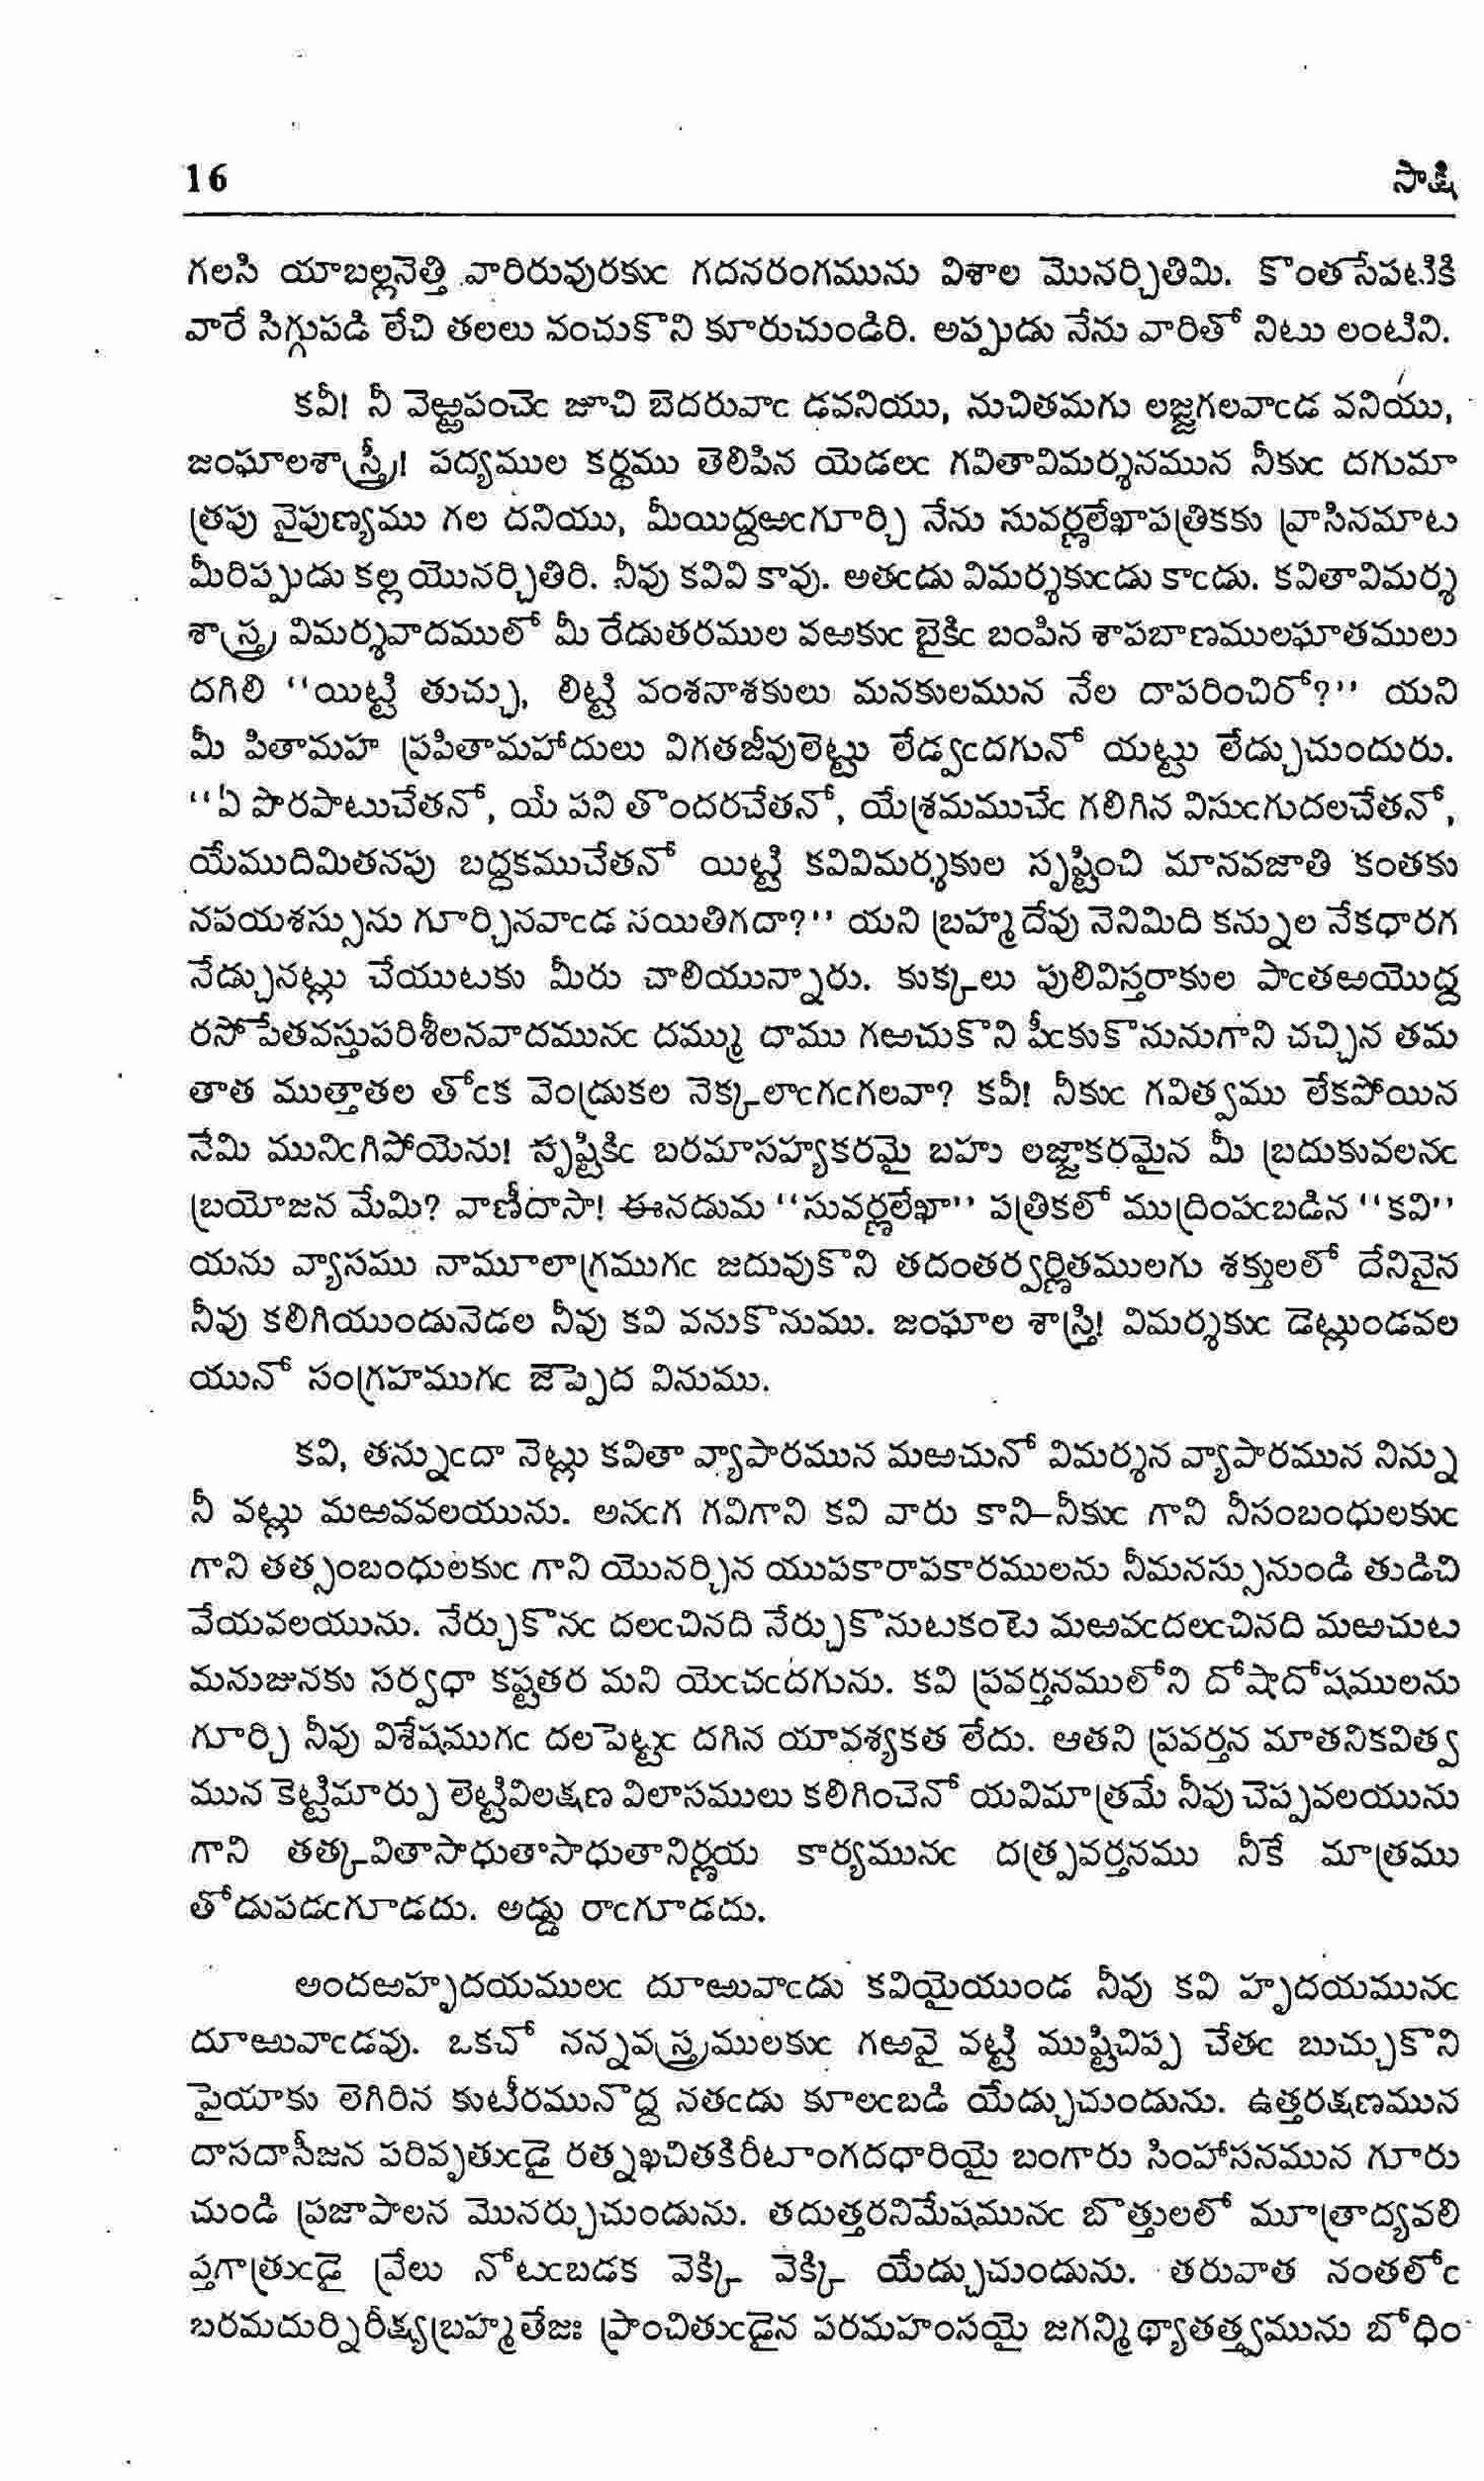గలసి యాబల్లనెత్తి వారిరువురకుఁ గదనరంగమును విశాల మొనర్చితిమి. కొంతసేపటికి వారే సిగ్గుపడి లేచి తలలు వంచుకొని కూరుచుండిరి. అప్పుడు నేను వారితో నిటు లంటిని.

కవీ! నీ వెఱ్ఱపంచెఁ జూచి బెదరువాఁ డవనియు, నుచితమగు లజ్జగలవాఁడ వనియు, జంఘాలశాస్త్రీ! పద్యముల కర్థము తెలిపిన యెడలఁ గవితావిమర్శనమున నీకుఁ దగుమాత్రపు నైపుణ్యము గల దనియు, మీయిద్దఱుఁగూర్చి నేను సువర్ణలేఖాపత్రికకు వ్రాసినమాట మీరిప్పుడు కల్ల యొనర్చితిరి. నీవు కవివి కావు. అతఁడు విమర్శకుఁడు కాఁడు. కవితావిమర్శ శాస్త్ర విమర్శవాదములో మీ రేడుతరముల వఱకుఁ బైకిఁ బంపిన శాపబాణములఘాతములు దగిలి “యిట్టి తుచ్చు, లిట్టి వంశనాశకులు మనకులమున నేల దాపరించిరో?" యని మీ పితామహ ప్రపితామహాదులు విగతజీవులెట్టు లేడ్వఁదగునో యట్టు లేడ్చుచుందురు. "ఏ పొరపాటుచేతనో, యే పని తొందరచేతనో, యేశ్రమముచేఁ గలిగిన విసుఁగుదలచేతనో, యేముదిమితనపు బద్ధకముచేతనో యిట్టి కవివిమర్శకుల సృష్టించి మానవజాతి కంతకు నపయశస్సును గూర్చినవాఁడ నయితిగదా? " యని బ్రహ్మదేవు నెనిమిది కన్నుల నేకధారగ నేడ్చునట్లు చేయుటకు మీరు చాలియున్నారు. కుక్కలు పులివిస్తరాకుల పాఁతఱయొద్ద
రసోపేతవస్తుపరిశీలనవాదమునఁ దమ్ము దాము గఱచుకొని పీఁకుకొనునుగాని చచ్చిన తమ తాత ముత్తాతల తోఁక వెండ్రుకల నెక్కలాఁగఁగలవా? కవీ! నీకుఁ గవిత్వము లేకపోయిన నేమి మునిఁగిపోయెను! సృష్టికిఁ బరమాసహ్యకరమై బహు లజ్జాకరమైన మీ బ్రదుకువలనఁ బ్రయోజన మేమి? వాణీదాసా! ఈ నడుమ “సువర్ణలేఖా" పత్రికలో ముద్రింపఁబడిన " కవి” యను వ్యాసము నామూలాగ్రముగఁ జదువుకొని తదంతర్వర్ణితములగు శక్తులలో దేనినైన నీవు కలిగియుండునెడల నీవు కవి వనుకొనుము. జంఘాల శాస్త్రి! విమర్శకుఁ డెట్లుండవలయునో సంగ్రహముగఁ జెప్పెద వినుము.

కవి, తన్నుఁదా నెట్లు కవితా వ్యాపారమున మఱచునో విమర్శన వ్యాపారమున నిన్ను నీ వట్లు మఱవవలయును. అనఁగ గవిగాని కవి వారు కాని-నీకుఁ గాని నీసంబంధులకుఁ గాని తత్సంబంధులకుఁ గాని యొనర్చిన యుపకారాపకారములను నీమనస్సునుండి తుడిచి
వేయవలయును. నేర్చుకొనఁ దలఁచినది నేర్చుకొనుటకంటె మఱవఁదలఁచినది మఱచుట మనుజునకు సర్వధా కష్టతర మని యెంచఁదగును. కవి ప్రవర్తనములోని దోషాదోషములను గూర్చి నీవు విశేషముగఁ దలపెట్టఁ దగిన యావశ్యకత లేదు. ఆతని ప్రవర్తన మాతనికవిత్వమున కెట్టిమార్పు లెట్టివిలక్షణ విలాసములు కలిగించెనో యవిమాత్రమే నీవు చెప్పవలయును గాని తత్కవితాసాధుతాసాధుతా నిర్ణయ కార్యమునఁ దత్ర్పవర్తనము నీకే మాత్రము తోడుపడఁగూడదు. అడ్డు రాఁగూడదు.

అందఱహృదయములఁ దూఱువాఁడు కవియైయుండ నీవు కవి హృదయమునఁ దూఱువాఁడవు. ఒకచో నన్నవస్త్రములకుఁ గఱవై వట్టి ముష్టిచిప్ప చేతఁ బుచ్చుకొని పైయాకు లెగిరిన కుటీరమునొద్ద నతఁడు కూలఁబడి యేడ్చుచుండును. ఉత్తరక్షణమున దాసదాసీజన పరివృతుఁడై రత్నఖచిత కిరీటాంగదధారియై బంగారు సింహాసనమున గూరుచుండి ప్రజాపాలన మొనర్చుచుండును. తదుత్తరనిమేషమునఁ బొత్తులలో మూత్రాద్యవలిప్తగాత్రుఁడై వ్రేలు నోటఁబడక వెక్కి వెక్కి యేడ్చుచుండును. తరువాత నంతలోఁ బరమదుర్నిరీక్ష్యబ్రహ్మతేజః ప్రాంచితుఁడైన పరమహంసయై జగన్మిథ్యాతత్త్వమును బోధిం